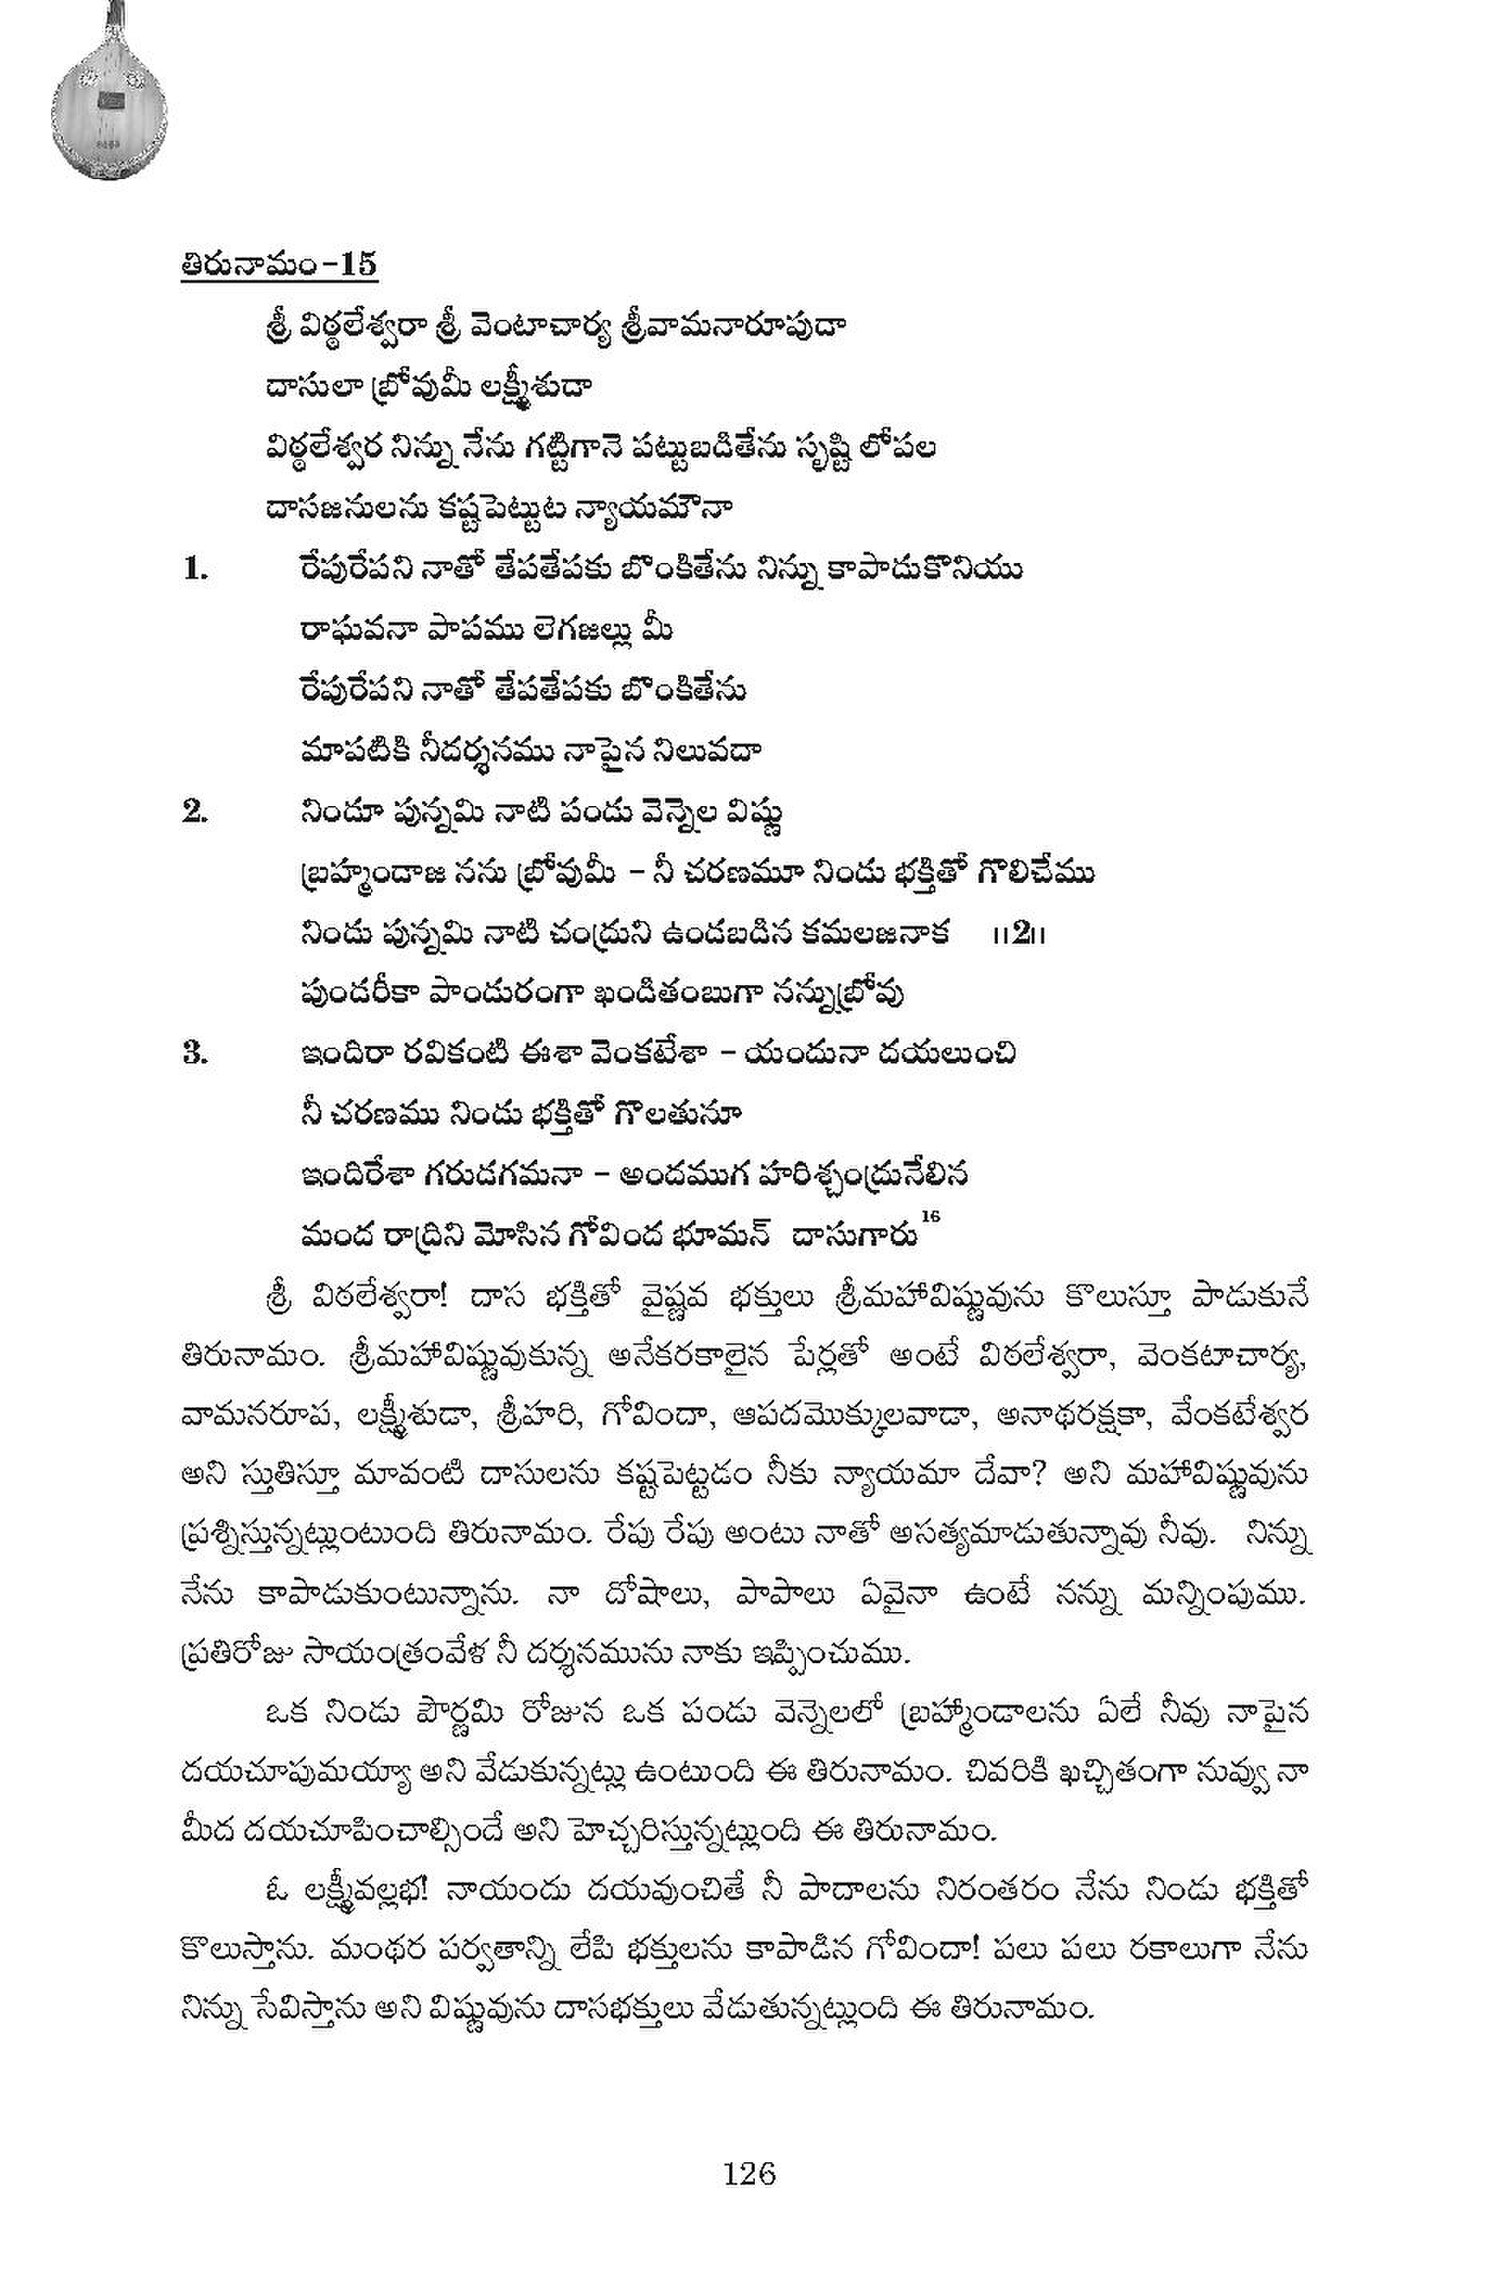తిరునామం-15

శ్రీ విఠలేశ్వరా శ్రీ వెంటాచార్య శ్రీవామనరూపుడా
దాసులా బ్రోవుమీ లక్ష్మీశుదా
విఠలేశ్వర నిన్ను నేను గట్టిగానే పట్టుబడితేను సృష్టి లోపల
దాసజనులను కష్టపెట్టుట న్యాయమౌనా

1. రేపురేపని నాతో తేపతేపకు బొంకితేను నిన్ను కాపాదుకొనియు
రాఘవనా పాపము లెగజల్లు మీ
రేపురేపని నాతో తేపతేపకు బొంకితేను
మాపటికి నీదర్శనము నా పైన నిలువదా

2. నిండూ పున్నమి నాటి పండు వెన్నెల విష్ణు
బ్రహ్మండాజ నను బ్రోవుమీ - నీ చరణమూ నిండు భక్తితో గొలిచేము
నిండు పున్నమి నాటి చంద్రుని ఉండబడిన కమలజనాక
పుండరీకా పాండురంగా ఖండితంబుగా నన్నుబ్రోవు

3. ఇందిరా రవికంటి ఈశా వెంకటేశా - యందునా దయలుంచి
నీ చరణము నిందు భక్తితో గొలతునూ
ఇందిరేశా గరుడగమనా - అందముగ హరిశ్చంద్రునేలిన
మంద రాద్రిని మోసిన గోవింద భూమన్ దాసుగారు16

శ్రీ విఠలేశ్వరా! దాస భక్తితో వైష్ణవ భక్తులు శ్రీమహావిష్ణువును కొలుస్తూ పాడుకునే తిరునామం. శ్రీమహావిష్ణువుకున్న అనేకరకాలైన పేర్లతో అంటే విఠలేశ్వరా, వెంకటాచార్య, వామనరూప, లక్ష్మీశుడా, శ్రీహరి, గోవిందా, ఆపదమొక్కులవాడా, అనాథరక్షకా, వేంకటేశ్వర అని స్తుతిస్తూ మావంటి దాసులను కష్టపెట్టడం నీకు న్యాయమా దేవా? అని మహావిష్ణువును
ప్రశ్నిస్తున్నట్లుంటుంది తిరునామం.రేపు రేపు అంటు నాతో అసత్యమాడుతున్నావు నీవు. నిన్ను నేను కాపాడుకుంటున్నాను. నా దోషాలు, పాపాలు ఏవైనా ఉంటే నన్ను మన్నింపుము. ప్రతిరోజు సాయంత్రంవేళ నీ దర్శనమును నాకు ఇప్పించుము.

ఒక నిండు పౌర్ణమి రోజున ఒక పండు వెన్నెలలో బ్రహ్మాండాలను ఏలే నీవు నాపైన దయచూపుమయ్యా అని వేడుకున్నట్లు ఉంటుంది ఈ తిరునామం. చివరికి ఖచ్చితంగా నువ్వు నా మీద దయచూపించాల్సిందే అని హెచ్చరిస్తున్నట్లుంది ఈ తిరునామం.

ఓ లక్ష్మీవల్లభ! నాయందు దయవుంచితే నీ పాదాలను నిరంతరం నేను నిండు భక్తితో కొలుస్తాను. మంథర పర్వతాన్ని లేపి భక్తులను కాపాడిన గోవిందా! పలు పలు రకాలుగా నేను నిన్ను సేవిస్తాను అని విష్ణువును దాసభక్తులు వేడుతున్నట్లుంది ఈ తిరునామం.